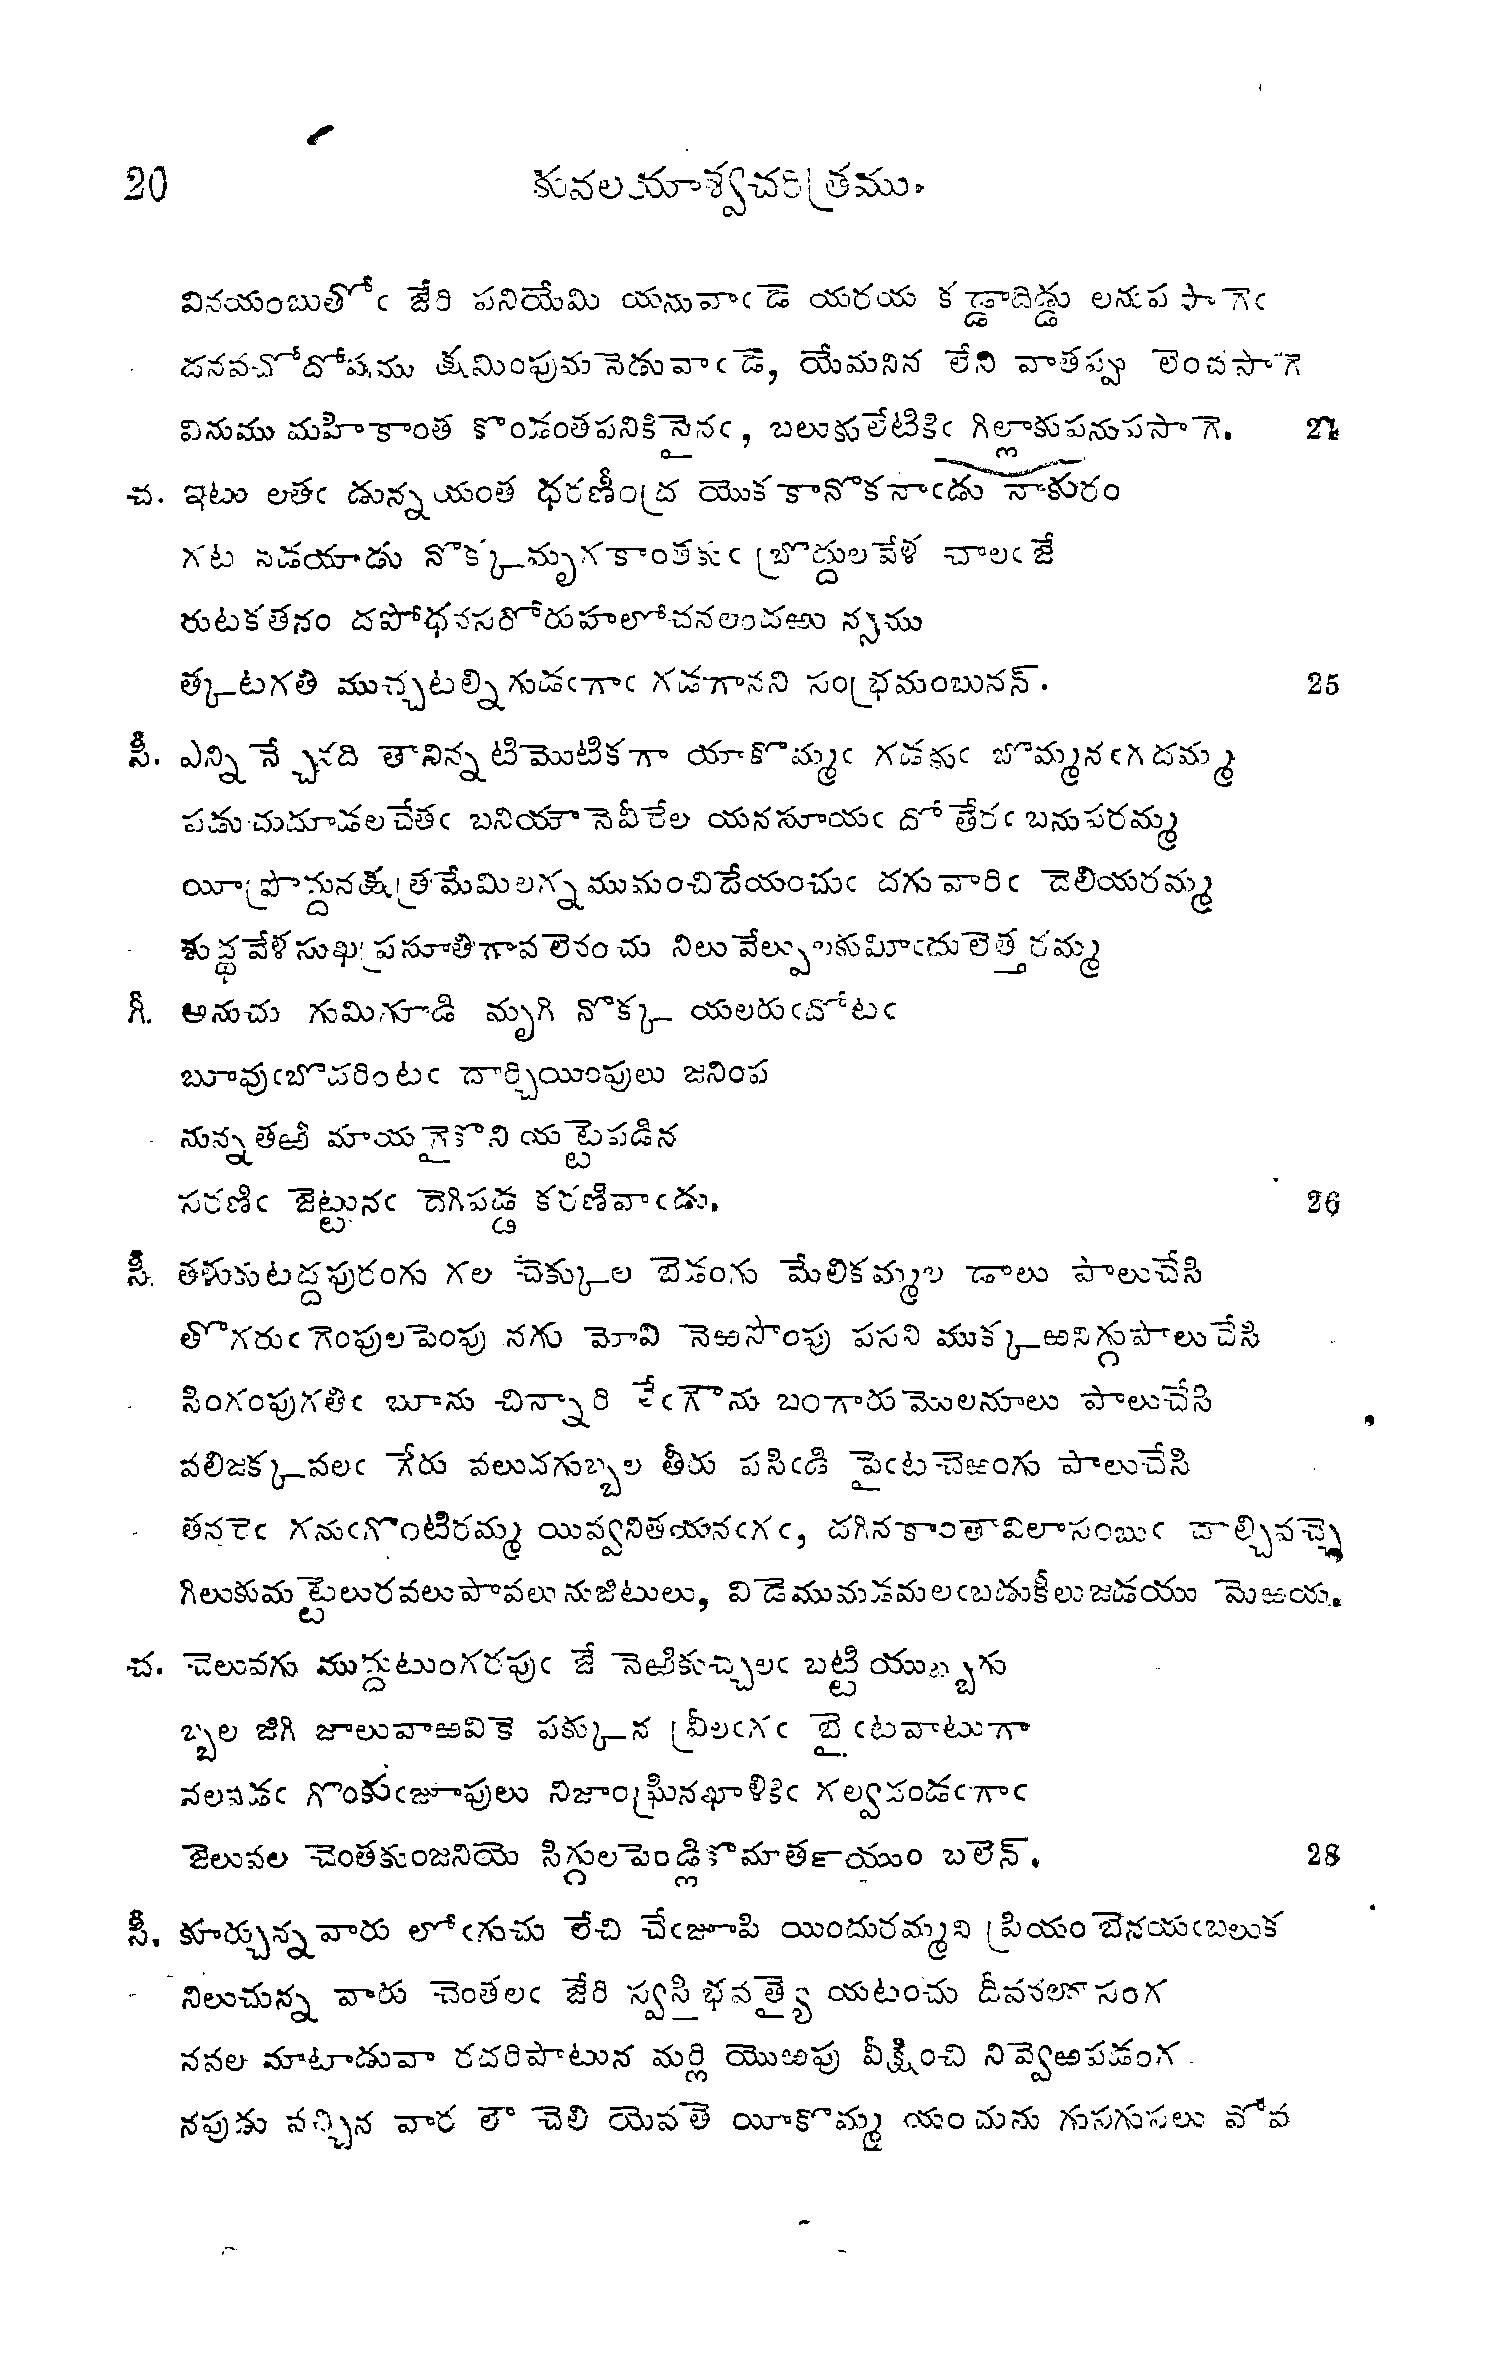వినయంబుతోఁ జేరి పని యేమి యనువాఁడె యరయ కడ్డాదిడ్డు లనుపసాగెఁ
దనవచోదోషము క్షమింపుమనెడువాఁడె, యేమనిన లేని నాతప్పు లెంచసాగె
వినుము మహికాంత కొండంతపనికి నైనఁ, బలుకులేటికిఁ గిల్లాకు పనుపసాగె.
చ. ఇటు లతఁ డున్నయంత ధరణీంద్ర యొకకానొకనాఁడు నాకురం
గట నడయాడు నొక్కమృగకాంతకుఁ బ్రొద్దులవేళ చాలఁ జే
రుటకతనం దపోధనసరోరుహలోచనలంచఱు న్సము
త్కటగతి ముచ్చట ల్నిగుడఁగాఁ గడగానని సంభ్రమంబునన్.
సీ. ఎన్ని న్చేనది తానిన్నటిమొటికగా యాకొమ్మఁ గడకుఁ బొమ్మనఁగదమ్మ
పడుచుదూడలచేతఁ బనియౌనె వీ రేల యనసూయఁ దోతేరఁ బనుపరమ్మ
యీప్రొద్దు నక్షత్ర మేమిలగ్నము మంచిదేయంచుఁ దగువారిఁ దెలియరమ్మ
శుద్ధవేళ సుఖప్రసూతి గావలెనంచు నిలువేల్పులకు మీఁదు లెత్తరమ్మ
గీ. అనుచు గుమిగూడి మృగి నొక్కయలరుఁదోటఁ
బూవుఁబొదరింటఁ దార్చియింపులు జనింప
నున్నతఱి మాయ గైకొని యట్టెపడిన
సరణిఁ జెట్టునఁ దెగిపడ్డ కరణివాఁడు.
సీ. తళుకుటద్దపురంగు గలచెక్కులబెడంగు మేలికమ్మలడాలు పాలు చేసి
తొగరుఁగెంపులపెంపు నగు మోవి నెఱసొంపు పసని ముక్కఱనిగ్గుపాలు చేసి
సింగంపుగతిఁ బూను చిన్నారి చేఁగౌను బంగారుమొలనూలు పాలు చేసి
వలిజక్కవలఁ గేరు వలువగుబ్బలతీరు పసిఁడిపైఁటచెఱంగు పాలు చేసి
తనరెఁ గనుఁగొంటిరమ్మ యివ్వనిత యనఁగఁ, దగిన కాంతావిలాసంబుఁ దాల్చివచ్చె
గిలుకుమట్టెలురవలు పావలు నుజిటులు, విడెము మడమలఁబడుకీలుజడయు మెఱయ.
చ. చెలువగు ముద్దుటుంగరపుఁ జే నెఱికుచ్చెలఁ బట్టి యుబ్బుగు
బ్బలజిగి జాలువాఱవికె పక్కున వ్రీలఁగఁ బైఁటవాటుగా
నలవడఁ గొంకుఁజూపులు నిజాంఘ్రినఖాళిఁ గల్వదండఁగాఁ
జెలువలచెంతకుం జనియె సిగ్గులపెండ్లికొమార్తయుం బలెన్.
సీ. కూర్చున్నవారు లోఁగుచు లేచి చేఁజూపి యిందు రమ్మని ప్రియం బెనయఁ బలుక
నిలుచున్నవారు చెంతలఁ జేరి స్వస్తి భవత్యై యటంచు దీవన లొసంగ
ననల మాటాడువా రదరిపాటున మర్లి యొఱపు వీక్షించి నివ్వెఱపడంగ .
నపుడు వచ్చినవార లౌ చెలి యెవతె యీకొమ్మ యంచును గుసగుసలు వోవ